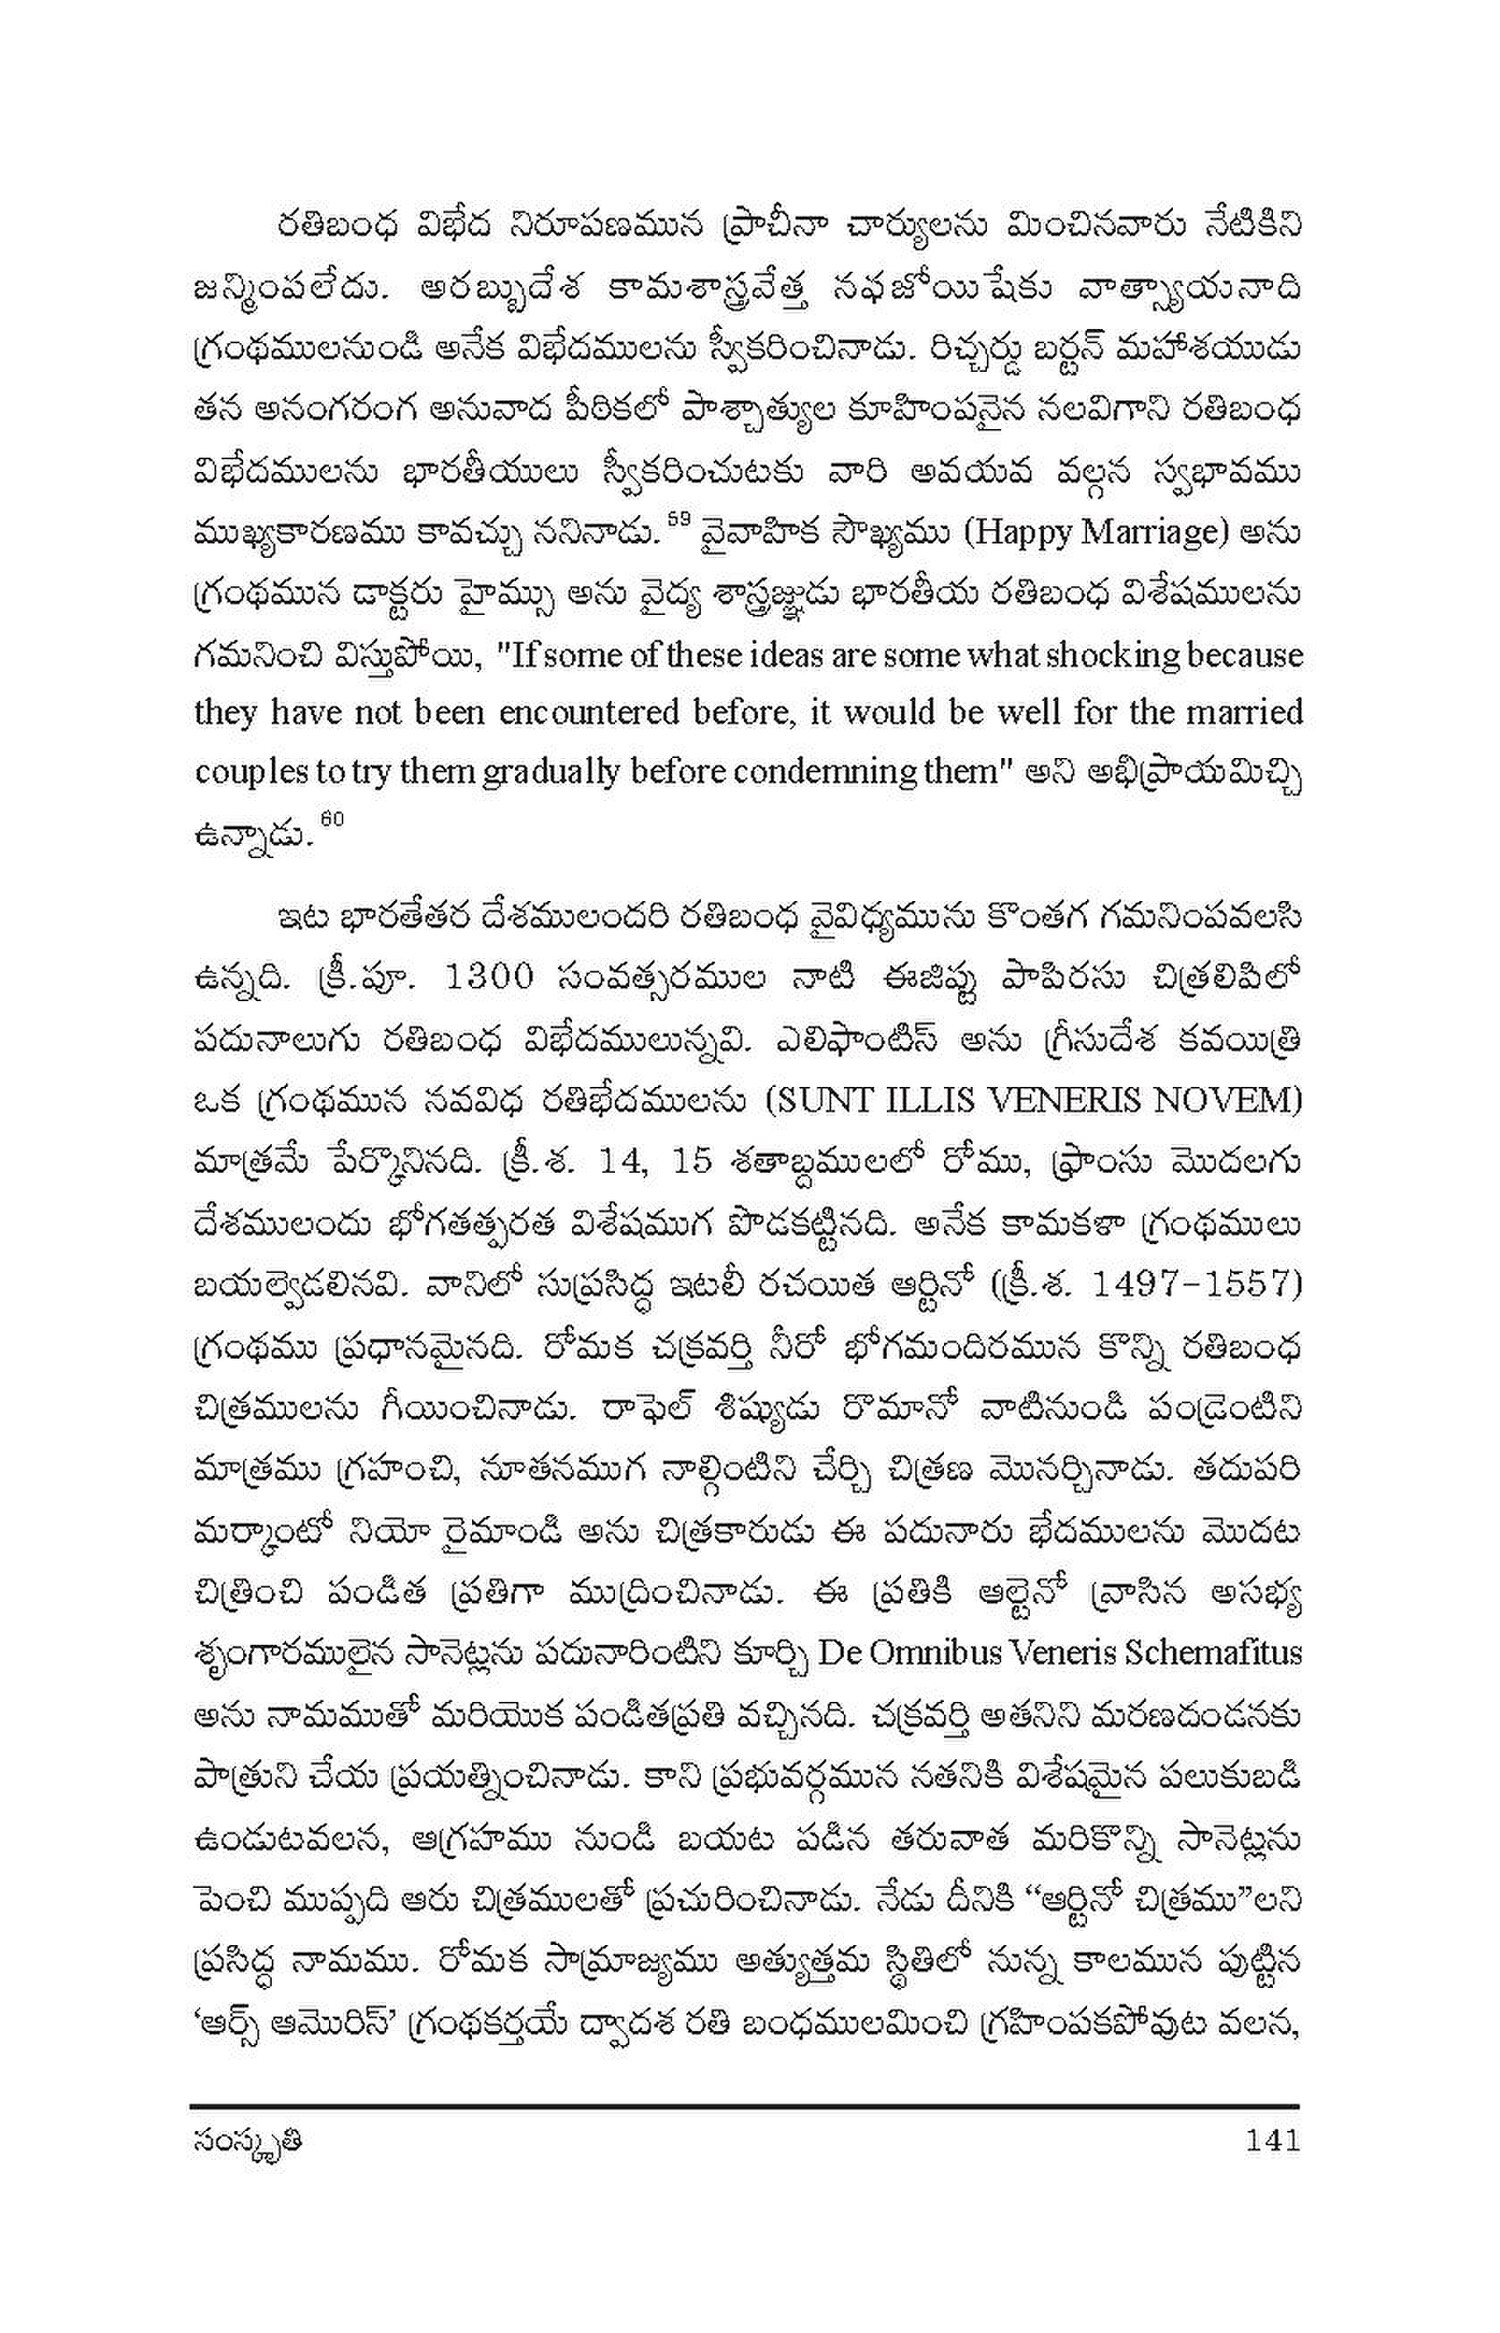రతిబంధ విభేద నిరూపణమున ప్రాచీనా చార్యులను మించినవారు నేటికిని
జన్మింపలేదు. అరబ్బుదేశ కామశాస్త్రవేత్త నఫజోయిషేకు వాత్స్యాయనాది
గ్రంథములనుండి అనేక విభేదములను స్వీకరించినాడు. రిచ్చర్డు బర్టన్ మహాశయుడు
తన అనంగరంగ అనువాద పీఠికలో పాశ్చాత్యుల కూహింపనైన నలవిగాని రతిబంధ
విభేదములను భారతీయులు స్వీకరించుటకు వారి అవయవ వల్గన స్వభావము
ముఖ్యకారణము కావచ్చు ననినాడు. వైవాహిక సౌఖ్యము (Happy Marriage) అను
గ్రంథమున డాక్టరు హైమ్సు అను వైద్య శాస్త్రజ్ఞుడు భారతీయ రతిబంధ విశేషములను
గమనించి విస్తుపోయి, "If some of these ideas are some what shocking because
they have not been encountered before, it would be well for the married
couples to try them gradually before condemning them" అని అభిప్రాయమిచ్చి
ఉన్నాడు.

ఇట భారతేతర దేశములందరి రతిబంధ వైవిధ్యమును కొంతగ గమనింపవలసి
ఉన్నది. క్రీ.పూ. 1300 సంవత్సరముల నాటి ఈజిప్టు పాపిరసు చిత్రలిపిలో
పదునాలుగు రతిబంధ విభేదములున్నవి. ఎలిఫాంటిస్ అను గ్రీసుదేశ కవయిత్రి
ఒక గ్రంథమున నవవిధ రతిభేదములను (SUNT ILLIS VENERIS NOVEM)
మాత్రమే పేర్కొనినది. క్రీ.శ. 14, 15 శతాబ్దములలో రోము, ఫ్రాంసు మొదలగు
దేశములందు భోగతత్పరత విశేషముగ పొడకట్టినది. అనేక కామకళా గ్రంథములు
బయల్వెడలినవి. వానిలో సుప్రసిద్ధ ఇటలీ రచయిత ఆర్టినో (క్రీ.శ. 1497-1557)
గ్రంథము ప్రధానమైనది. రోమక చక్రవర్తి నీరో భోగమందిరమున కొన్ని రతిబంధ
చిత్రములను గీయించినాడు. రాఫెల్ శిష్యుడు రొమానో వాటినుండి పండ్రెంటిని
మాత్రము గ్రహంచి, నూతనముగ నాల్గింటిని చేర్చి చిత్రణ మొనర్చినాడు. తదుపరి
మర్కొంటో నియో మాండి అను చిత్రకారుడు ఈ పదునారు భేదములను మొదట
చిత్రించి పండిత ప్రతిగా ముద్రించినాడు. ఈ ప్రతికి ఆల్టెనో వ్రాసిన అసభ్య
శృంగారములైన సానెట్లను పదునారింటిని కూర్చి De Omnibus Veneris Schemafitus
అను నామముతో మరియొక పండితప్రతి వచ్చినది. చక్రవర్తి అతనిని మరణదండనకు
పాత్రుని చేయ ప్రయత్నించినాడు. కాని ప్రభువర్గమున నతనికి విశేషమైన పలుకుబడి
ఉండుటవలన, ఆగ్రహము నుండి బయట పడిన తరువాత మరికొన్ని సానెట్లను
పెంచి ముప్పది ఆరు చిత్రములతో ప్రచురించినాడు. నేడు దీనికి "ఆర్టినో చిత్రము”లని
ప్రసిద్ధ నామము. రోమక సామ్రాజ్యము అత్యుత్తమ స్థితిలో నున్న కాలమున పుట్టిన
'ఆర్స్ ఆమొరిస్' గ్రంథకర్తయే ద్వాదశ రతి బంధములమించి గ్రహింపకపోవుట వలన,